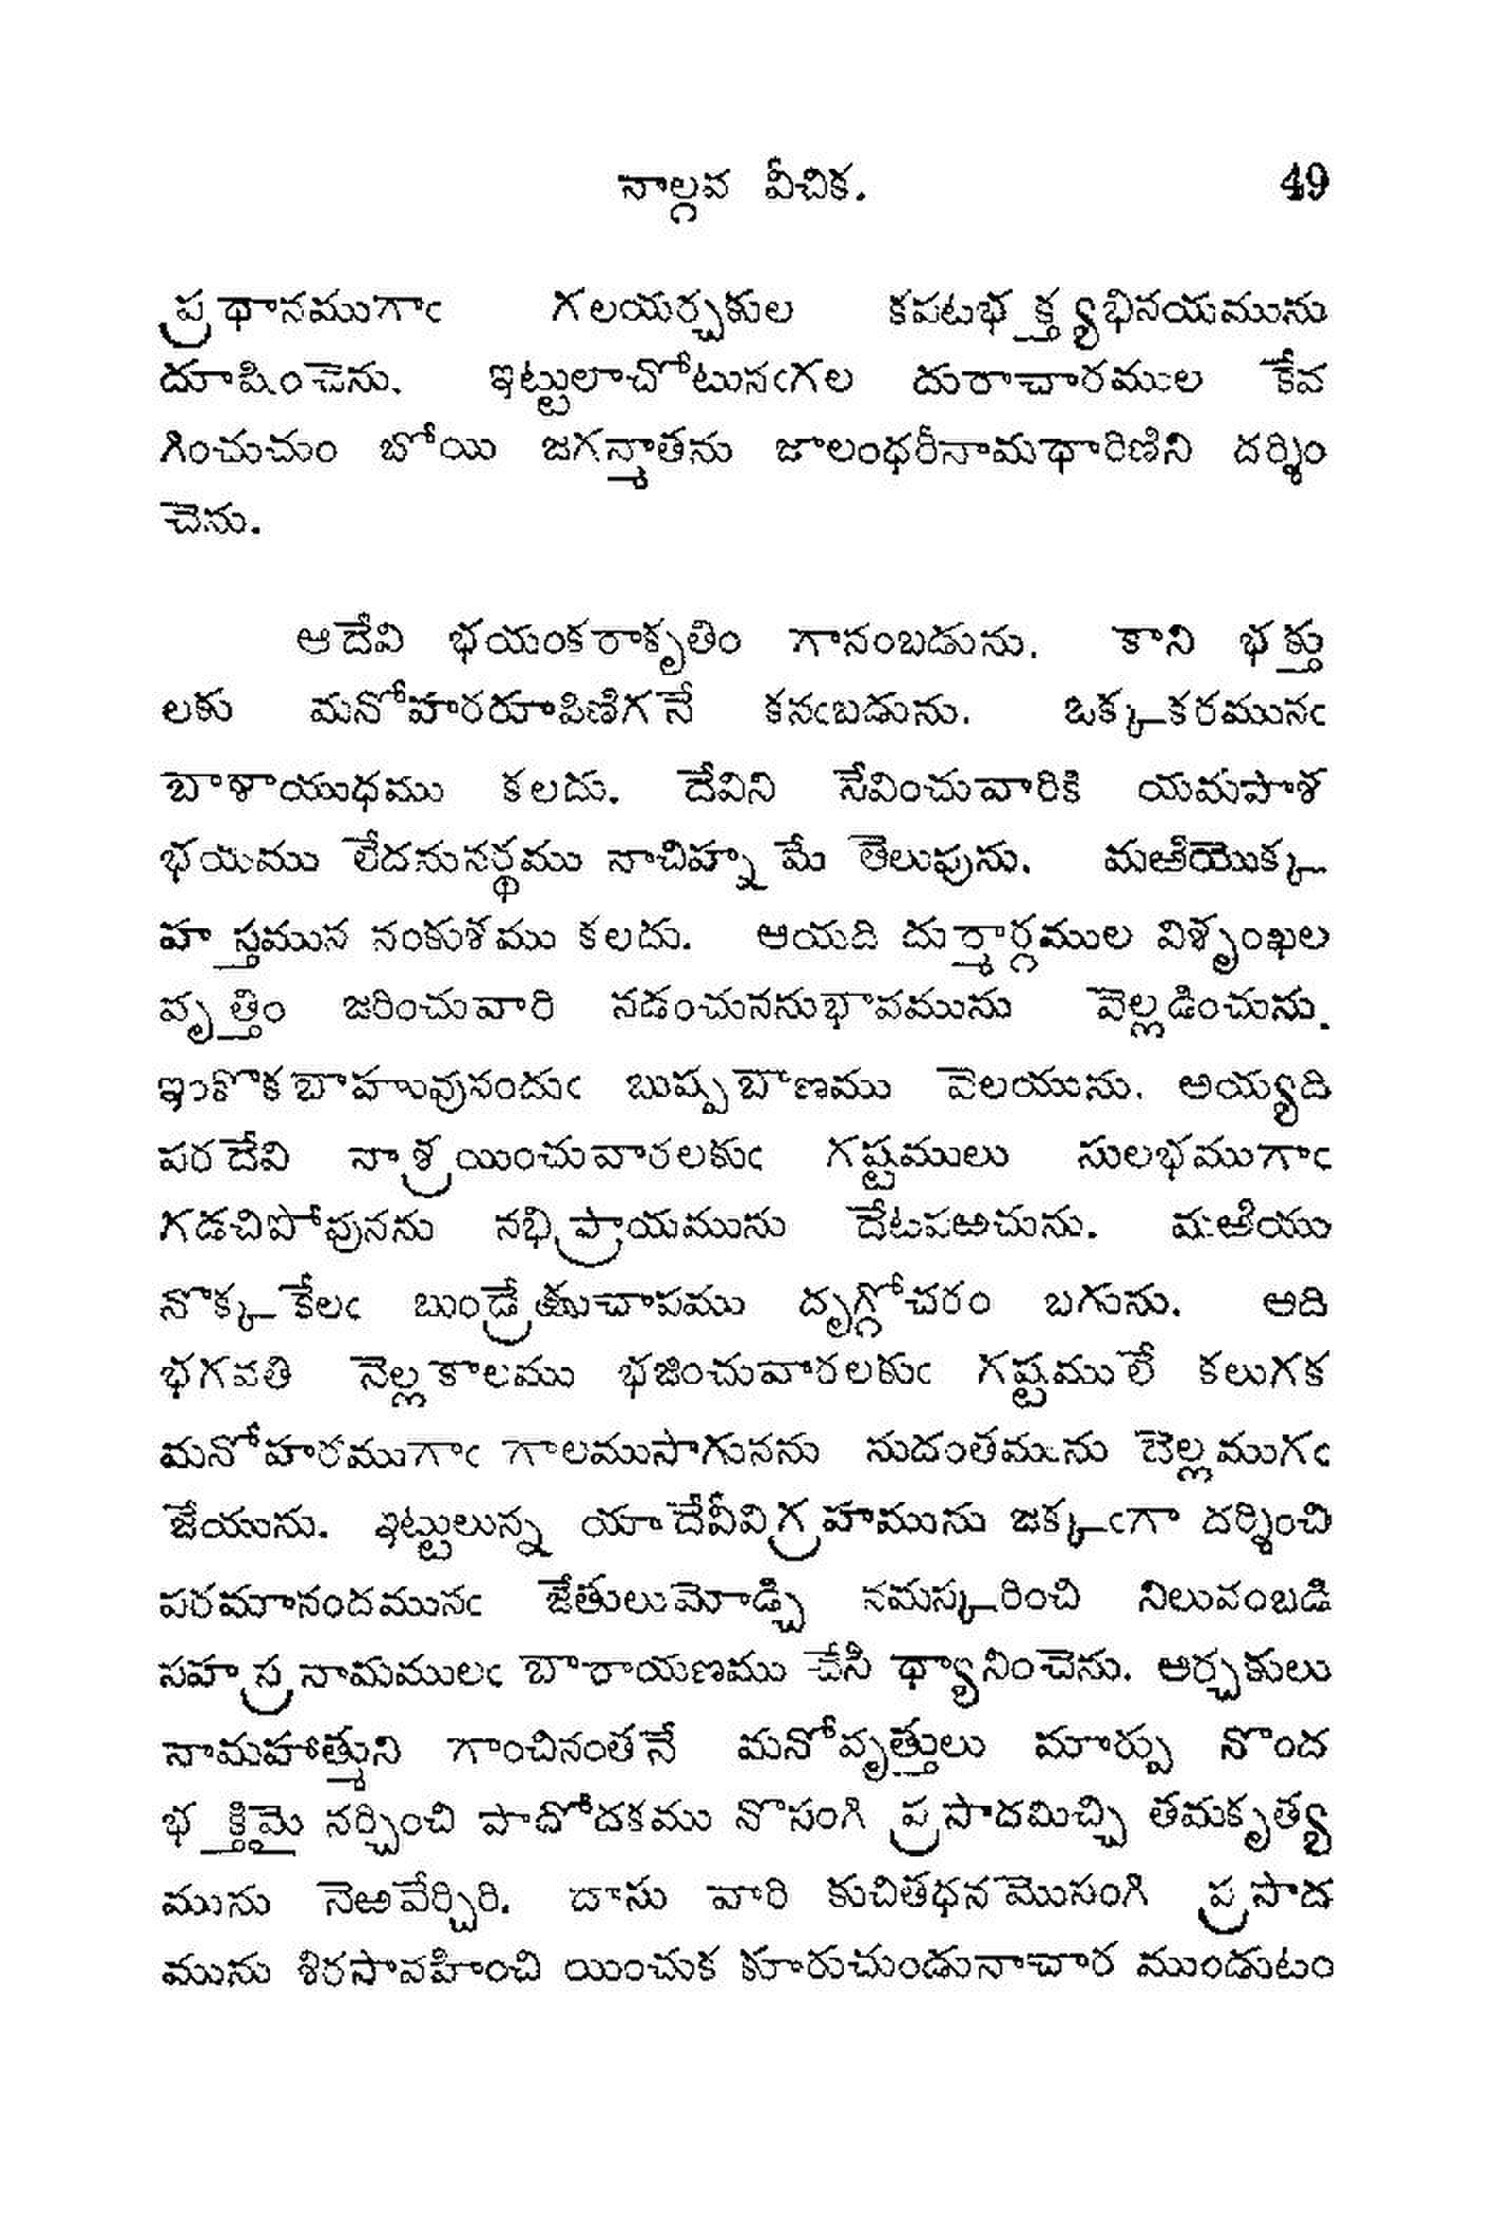ప్రధానముగా గలయర్చకుల కపట భక్త్యభినయమును దూషించెను. ఇట్టులాచోటునఁగల దురాచారముల కేవ గించుచుం బోయి జగన్మాతను జాలంధరీనామధారిణిని దర్శించెను.

ఆ దేవి భయంక రాకృతిం గానంబడును. కాని భక్తులకు మనోహరరూపిణిగనే కనఁబడును. ఒక్క కరమునఁ బాశాయుధము కలదు. దేవిని సేవించు వారికి యమపాశ భయము లేదను నర్థము నాచిహ్నమే తెలుపును. మఱి యొక్క హస్తమున నంకుశము కలదు. ఆయది దుర్మార్గముల విశృంఖల వృత్తిం జరించువారి నడంచునను భావమును వెల్లడించును. ఇంకొక బాహువునందుఁ బుష్పబాణము వెలయును. అయ్యది పరదేవి నాశ్రయించువారలకుఁ గష్టములు సులభముగాఁ గడచిపోవునను నభి ప్రాయమును దేటపఱచును. మఱియు నొక్క కేలఁ బుండ్రేక్షుచాపము దృగ్గోచరం బగును. అది భగవతి నెల్ల కాలము భజించువారలకుఁ గష్టములే కలుగక మనోహరముగాఁ గాలముసాగునను నుదంతమును దెల్లముగఁ జేయును. ఇట్టులున్న యా దేవీ విగ్రహమును జక్కఁగా దర్శించి పరమానందమునఁ జేతులుమోడ్చి నమస్కరించి నిలువంబడి సహస్ర నామములఁ బారాయణము చేసి ధ్యానించెను. అర్చకులు నామహాత్ముని గాంచినంతనే మనోవృత్తులు మార్పు నొంద భక్తిమై నర్చించి పాదోదకము నొసంగి ప్రసాదమిచ్చి తమకృత్యమును నెఱవేర్చిరి. దాసు వారి కుచితధన మొసంగి ప్రసాదమును శిరసావహించి యించుక కూరుచుండునాచార ముండుటం